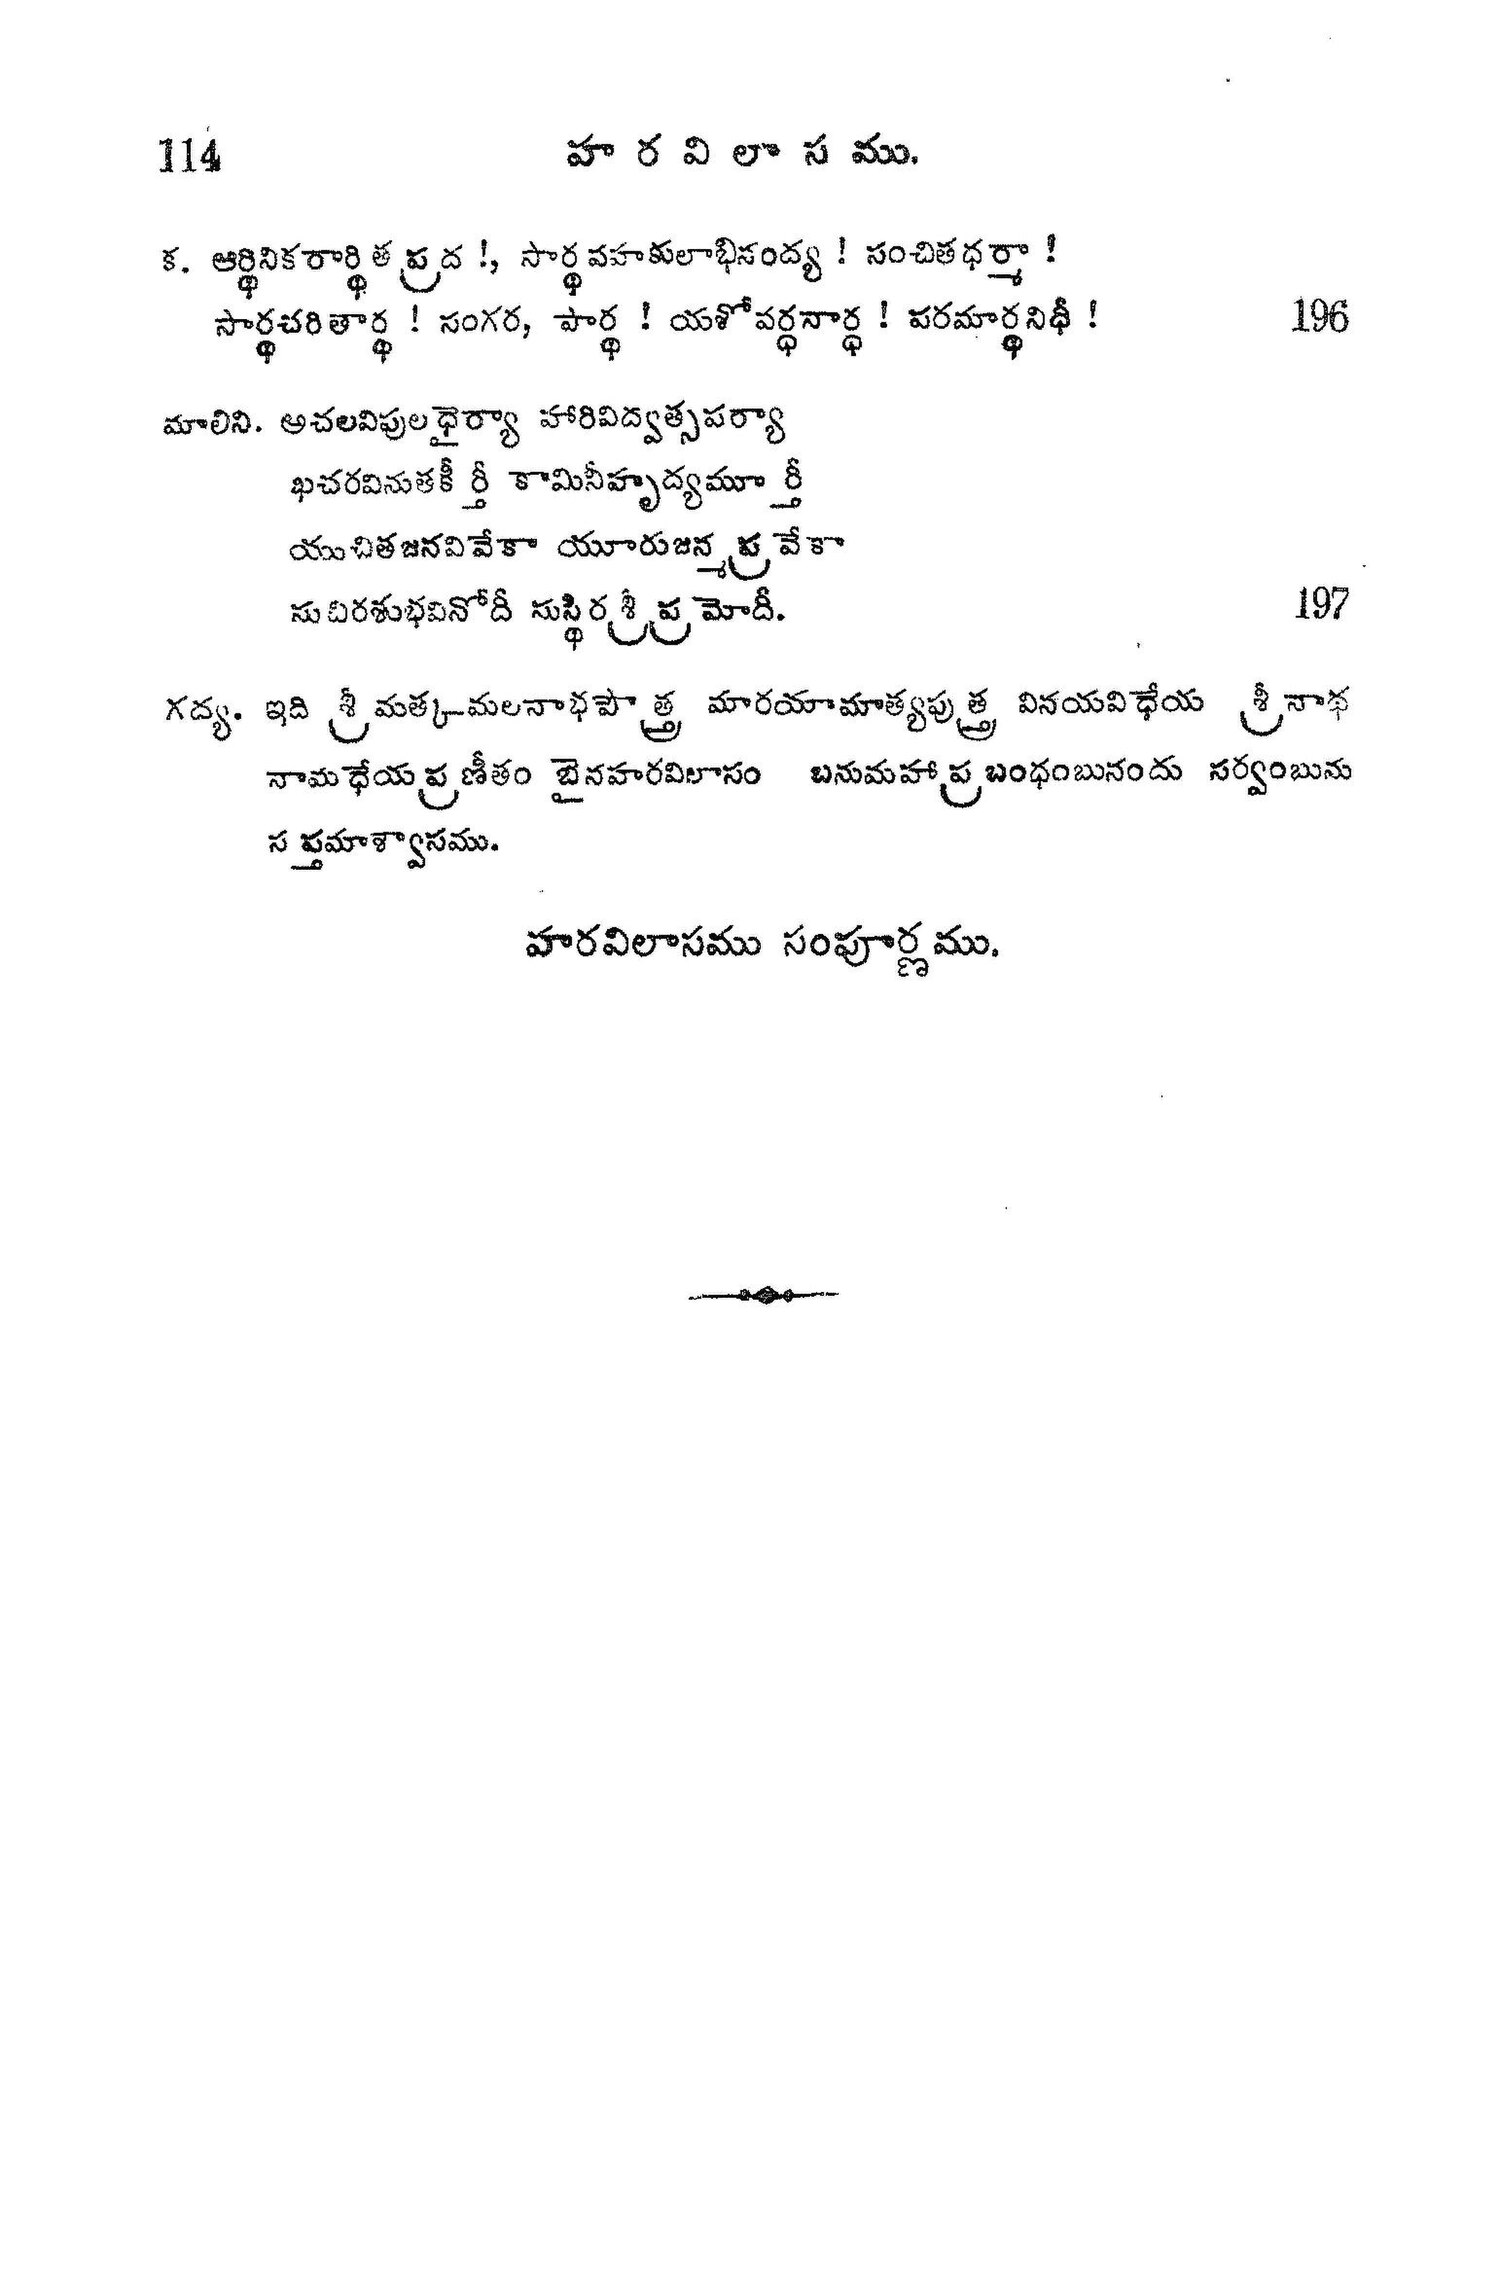క. ఆర్థినికరార్థితప్రద!, సార్ధవహకులాభినంద్య! సంచితధర్మా!
సార్థచరితార్థ! సంగర, పార్థ! యశోవర్ధనార్ధ! పరమార్థనిధీ! 196

మాలిని. అచలవిపులధైర్యా హారివిద్వత్సపర్యా
ఖచరవినుతకీర్తీ కామినీహృద్యమూర్తీ
యుచితజనవివేకా యూరుజనప్రవేకా
సుచిరశుభవినోదీ సుస్థిరశ్రీప్రమోదీ. 197